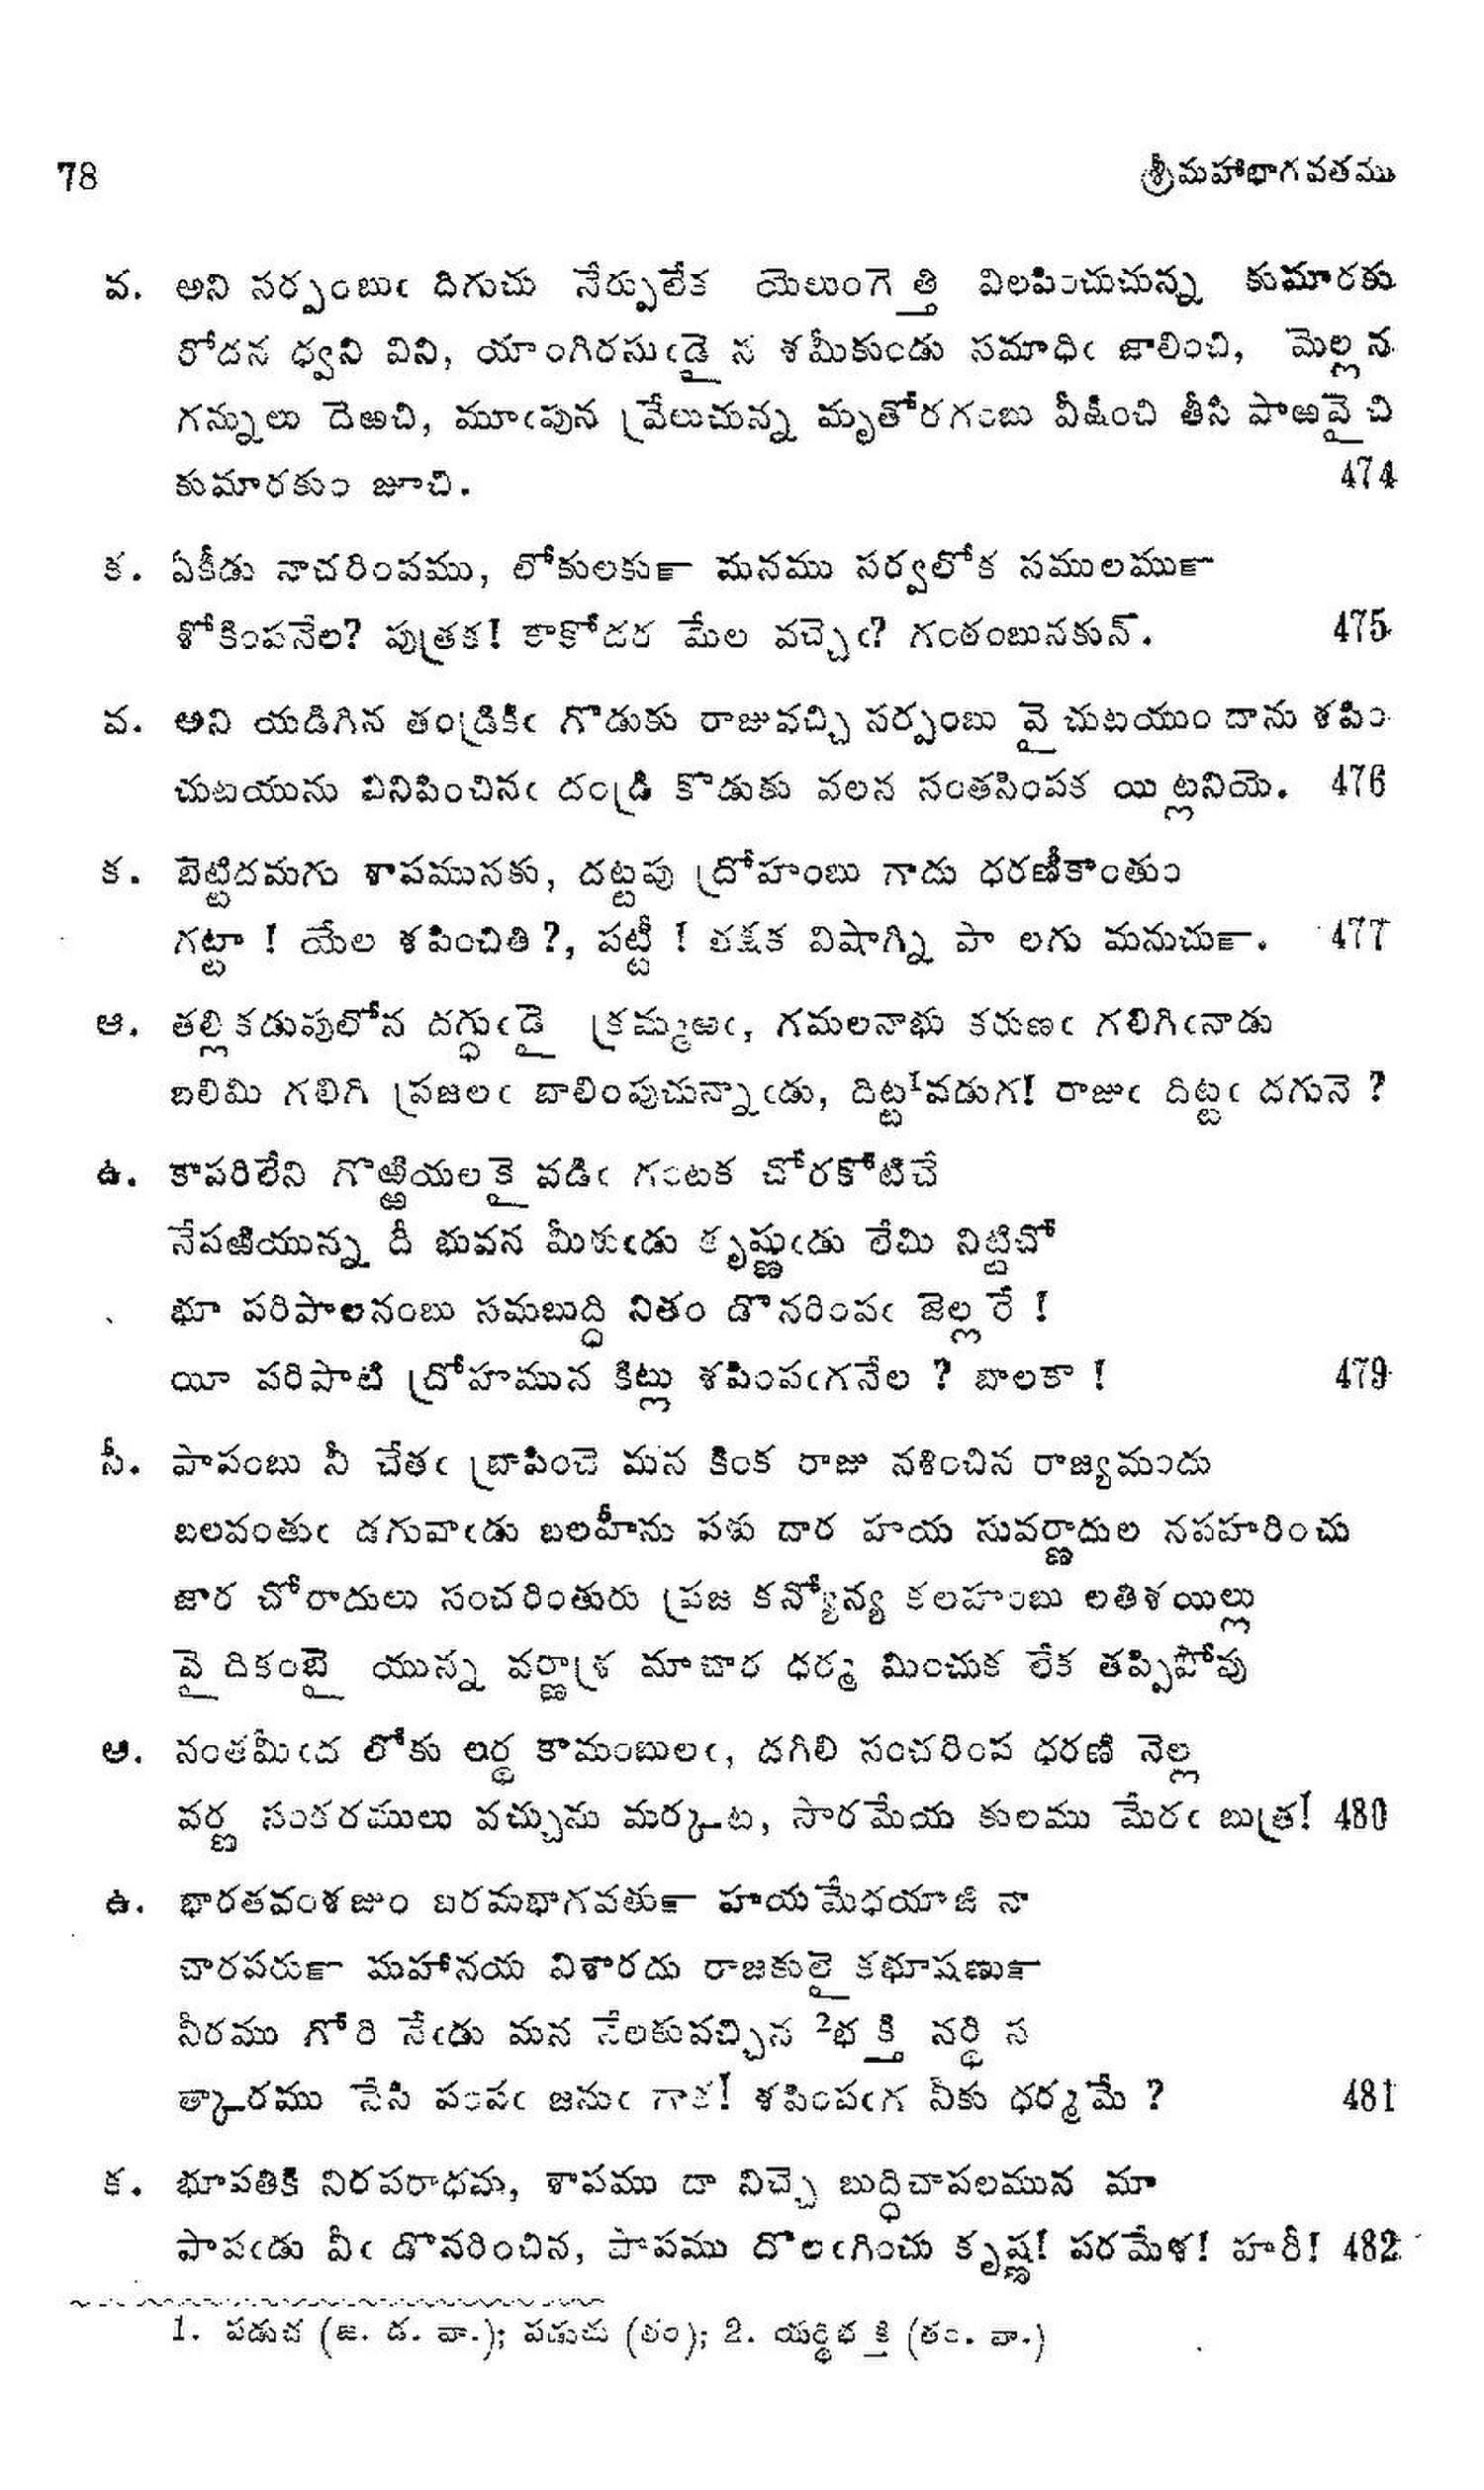78

వ. అని సర్పంబుఁ దిగిచు నేర్పులేక యెలుంగెత్తి విలపించుచున్న కుమారకు రోదన ధ్వని విని, యాంగిరసుఁడైన శమీకుండు సమాధిఁ జాలించి, మెల్లన గన్నులు దెఱచి, మూఁపున వ్రేలుచున్న మృతోరగంబు వీక్షించి తీసి పాఱవైచి కుమారకుం జూచి . (474)

క. ఏకీడు నాచరింపము, లోకులకున్ మనము సర్వలోక సములమున్

శోకింపనేల ? పుత్రక ! కాకోదర మేల వచ్చె ? గంఠంబునకున్ . (475)

వ. అని యడిగిన తండ్రికిఁ గిడుకు రాకువచ్చి సర్పంబు వైచుటయుందాను శపించుటయును వినిపించినఁ దండ్రి కొడుకు వలన సంతసింపక యిట్లనియె . (476) 

క. బెట్టిదమగు శాపమునకు, దట్టపు ద్రోహంబు గాదు ధరణీకాంతుం

గట్టా ! యేల శపించితి ?, పట్టీ ! తక్షక విషాగ్ని పాలగు మనుచున్. (477)

ఆ. తల్లికడులోన దగ్ధుఁడై క్రమ్మఱఁ, గమలనాభు కరుణవ్ గలిగిఁనాడు

బలిమి గలిగి ప్రజలఁ బాలింపుచున్నాఁడు, దిట్ట వడుగ ! రాజుఁ దిట్టఁ దగునె ?

ఉ. కాపరిలేని గొఱ్ఱియలకై వడిఁ గంటక చోరకోటిచే

నేపఱియున్న దీ భువన మీశుఁడు కృష్ణుఁడు లేమి నిట్టిచో

భూ పరిపాలనంబు సమముద్ధి నితమ్ డొనరింపఁ జెల్లరే !

యీ పరిపాటి ద్రోహమున కిట్లు శపింపఁగనేల ? బాలకా ! (479)

సీ. పాపంబు నీ చేతఁ బ్రాపించె మన కింక రాజు నశించిన రాజ్యమణ్దు

బలవంతఁ డగవాఁడు బలహీను పశు దార హయ సువర్ణాదుల వపహరించు

జార చోరాదులు సంచరింతురు ప్రజ కన్యోన్య కలహంబు లతిశయిల్లు

వైదికంబై యున్న వర్ణాశ్రమాచార ధర్మ మించుక లేక తప్పిపోవు

ఆ. నంతమీఁద లోక లర్థ కామంబులఁ , దగిలి సంచరింప ధరణి నెల్ల

వర్ణ సంకరములు వచ్చును మర్కట, సారమేయ కులము మేరఁ బుత్ర ! (480)

ఉ. భారతవంశజుం బరమభాగవతున్ హయమేధయాజి నా

చారపరున్ మహానయ విశారదు రాజకులైకభుఉషణున్

నీరము గోరి నేఁడు మన నేలకువచ్చిన భక్తి నర్థిస

త్కారము శెసి పంపఁ జనుఁ గాక ! శపింపఁగ నీకు ధర్మమే ! (481)

క. భూపతికి నిరపరాధమ, శాపము దా నిచ్చె బుద్ధిచాపలమున మా

పాపఁడు మీఁ డొనరించిన, పాపము దొలఁగించు కృష్ణ ! పరమేశ ! హరీ ! (482)